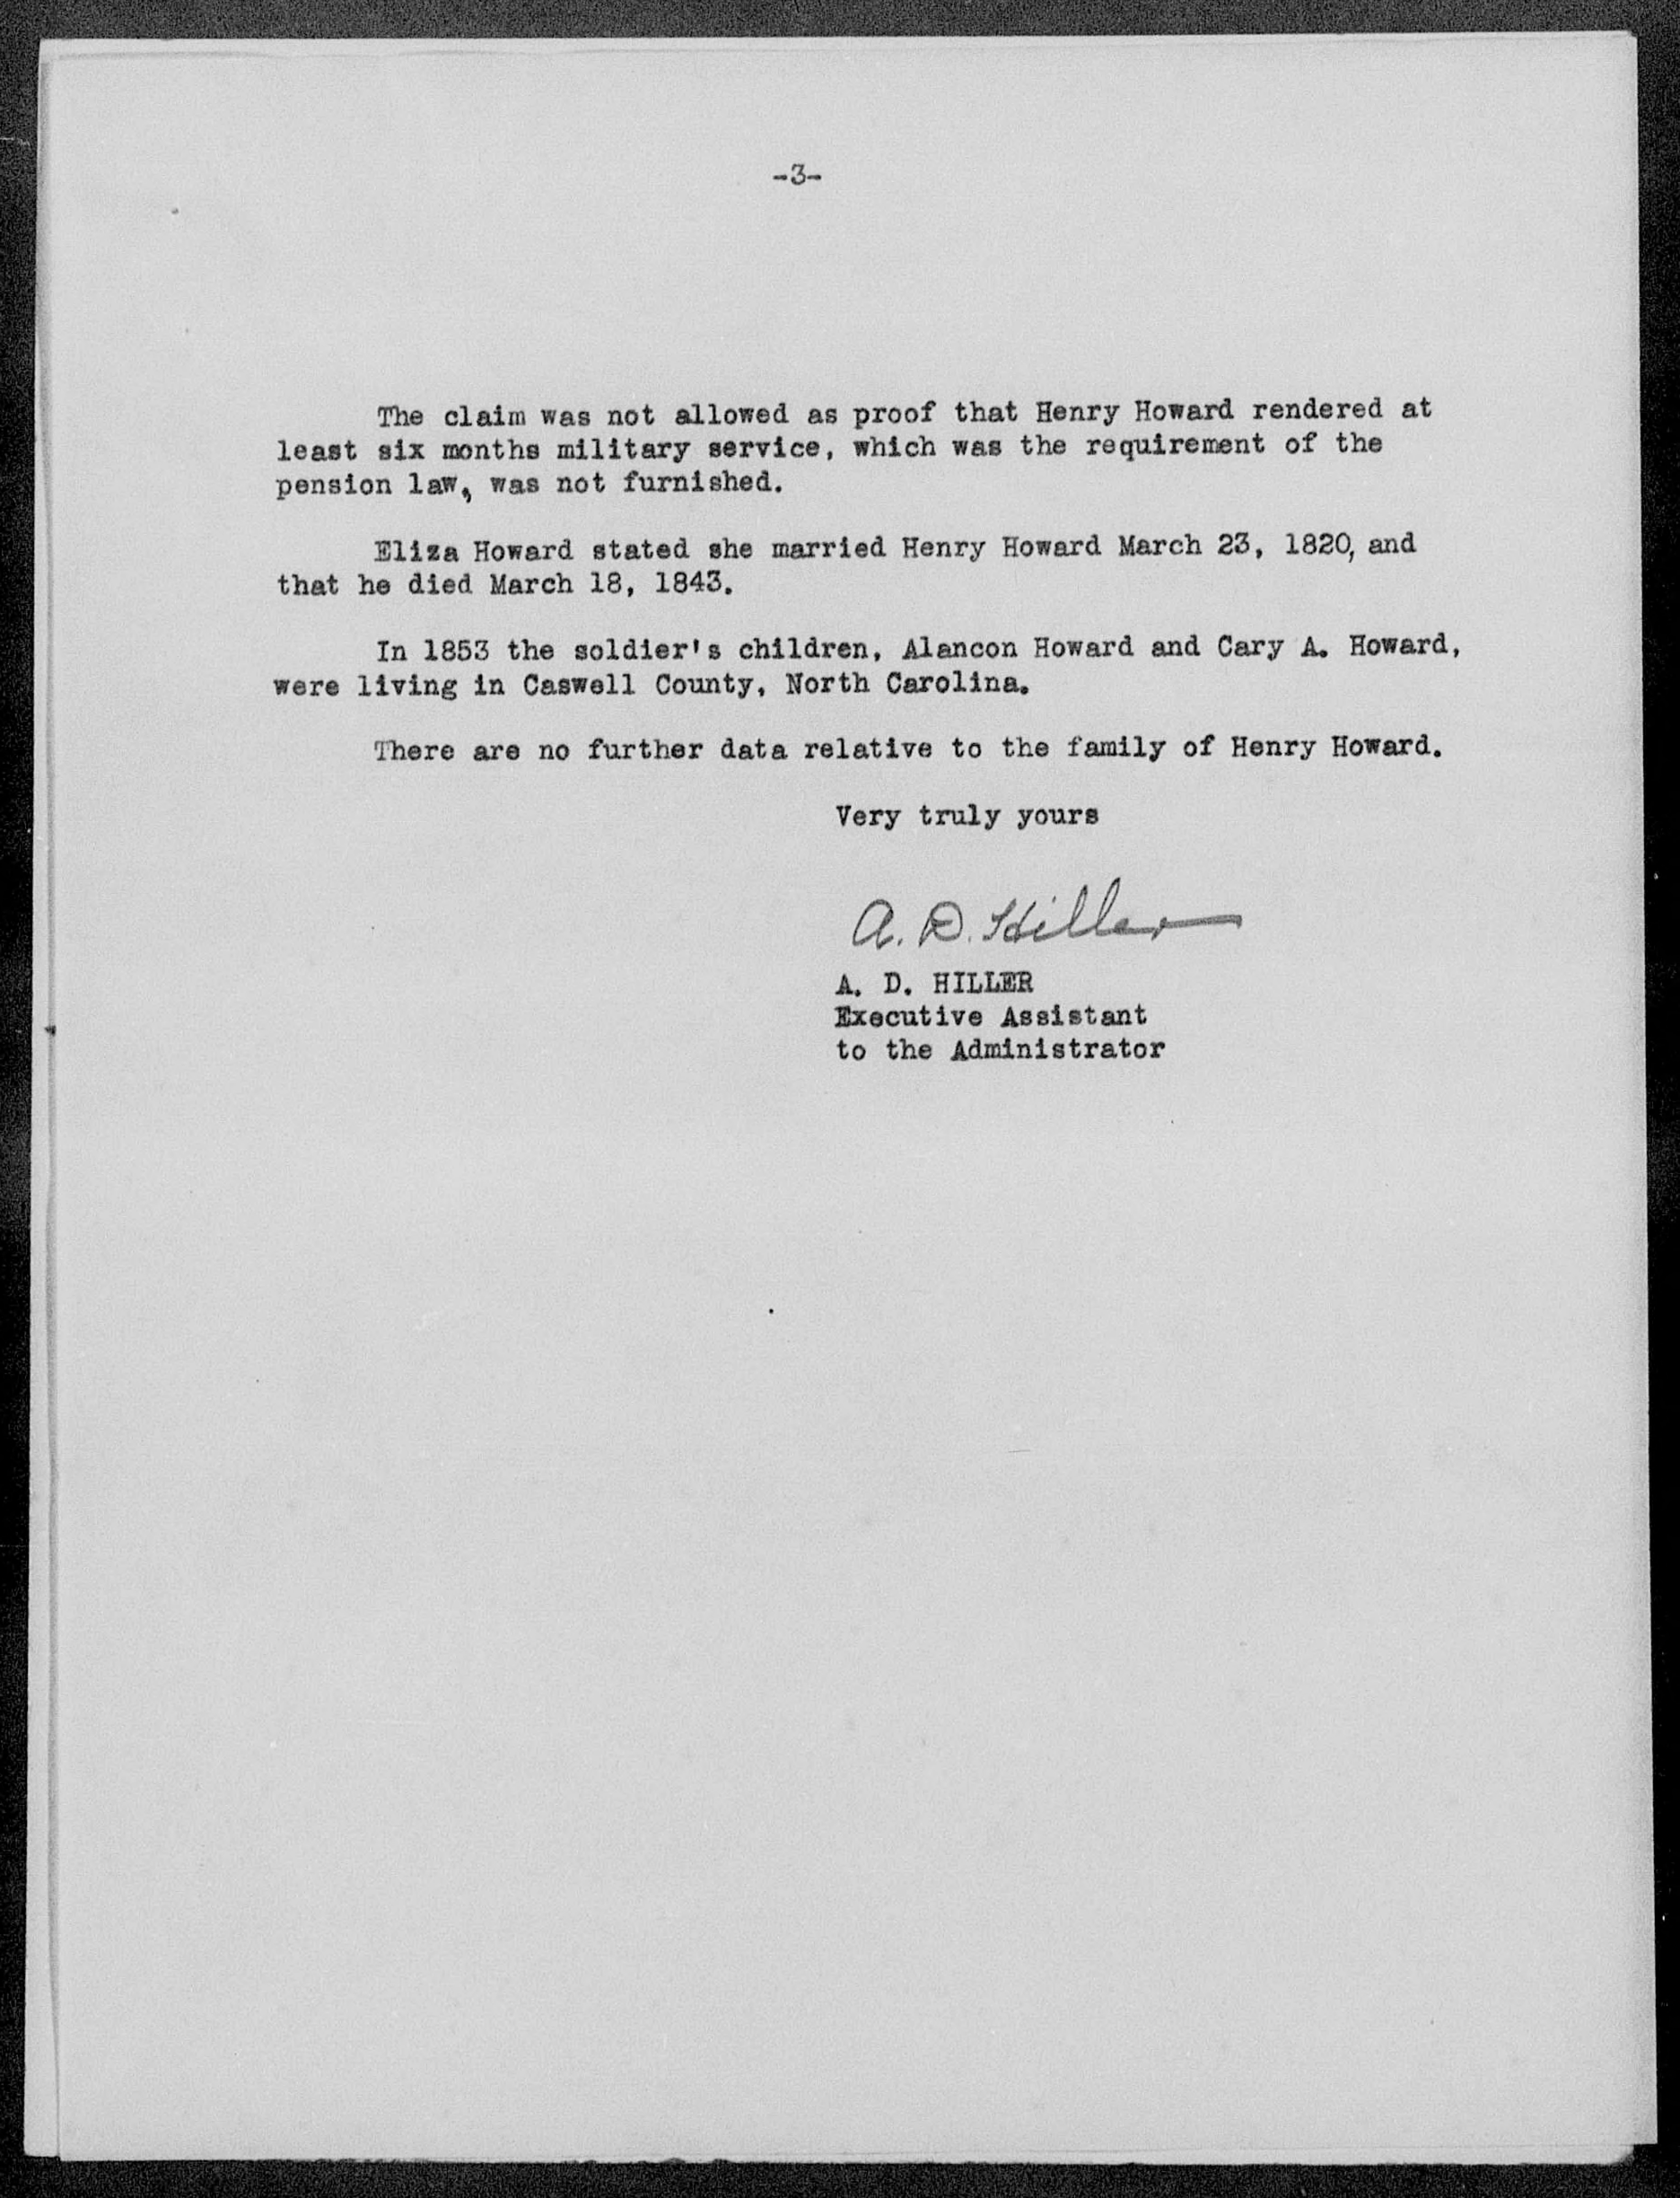- 3 -
The claim was not allowed as proof that Henry Howard rendered at least six months military service, which was the requirement of the
pension law, was not furnished.

Eliza Howard stated she married Henry Howard March 23, 1820, and that he died March 18, 1843.

In 1853 the soldier's children, Alancon Howard and Cary A. Howard, were living in Caswell County, North Carolina.

There are no further data relative to the family of Henry Howard.

Very truly yours
A.D. Hiller [Signature]
A. D. HILLER
Executive Assistant
to the Administrator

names: A D Hiller, Henry Howard, Henry Howard, Eliza Howard, A D Hiller, Alancon Howard, Cary A Howard, Henry Howard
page: 29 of 86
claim: widow's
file: W. 6899, James Carrell, N.C.